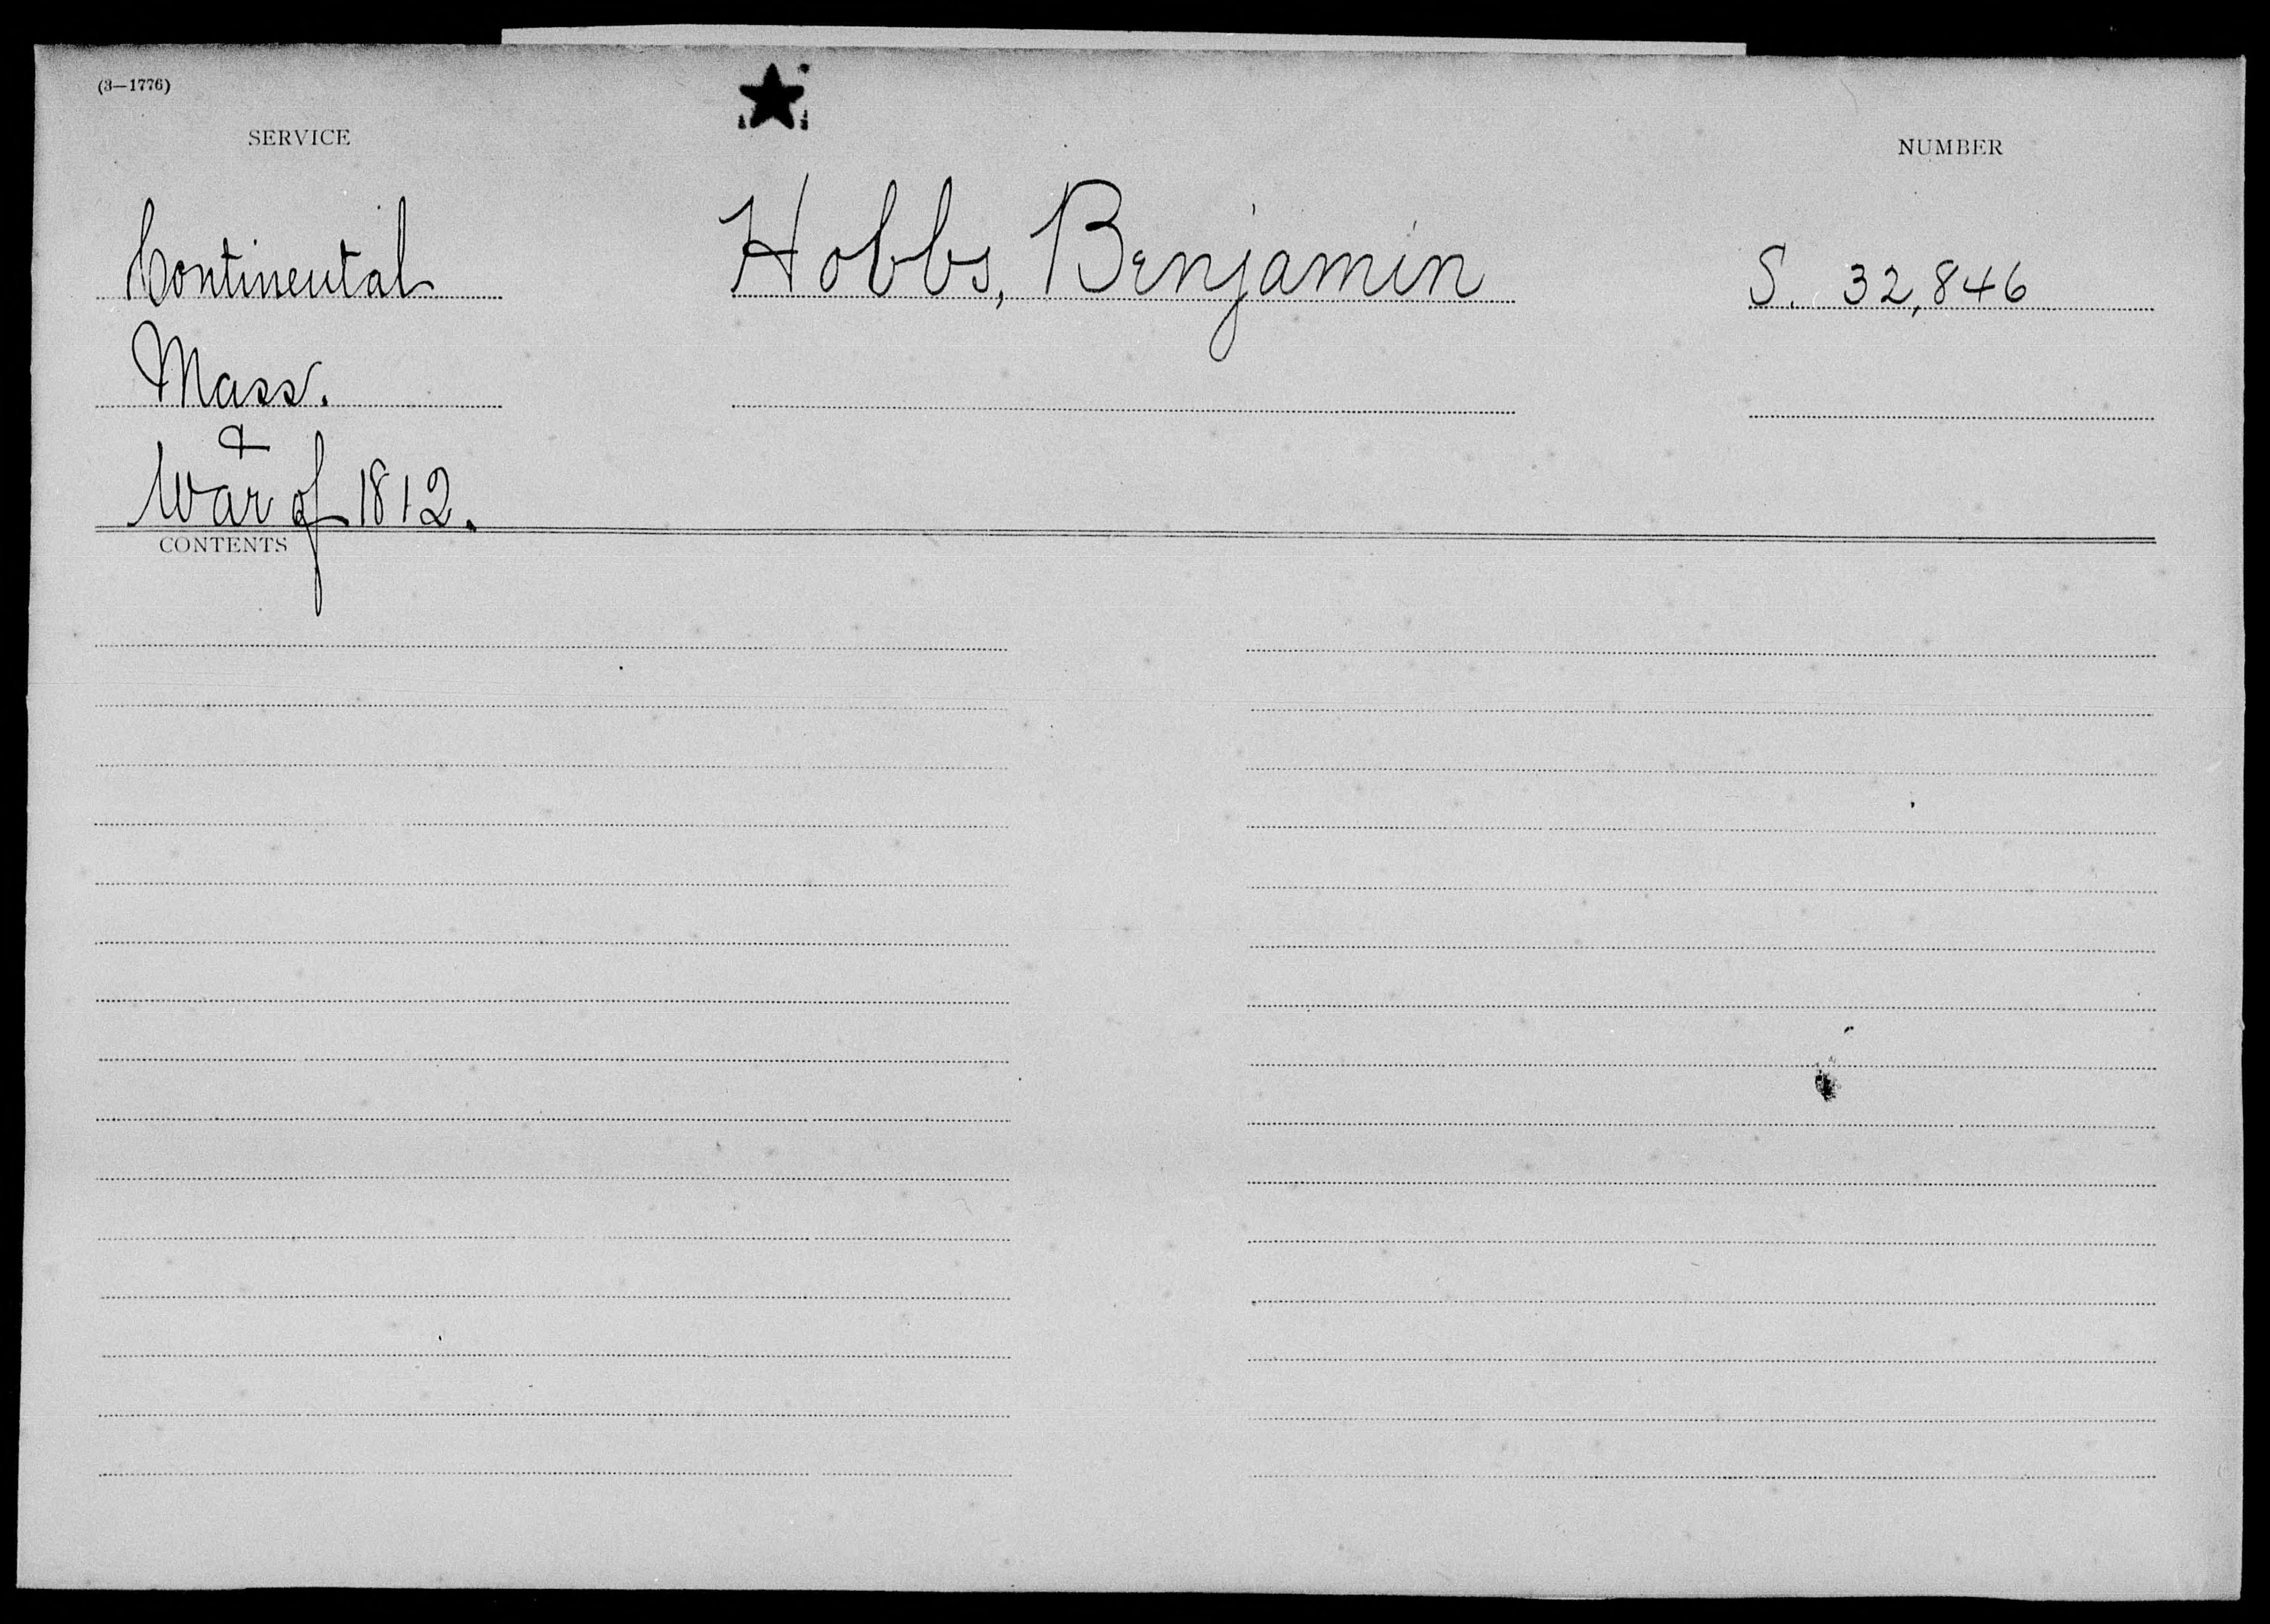(3-1776)           [star stamp in black ink]

SERVICE                                              NUMBER

Continental      Hobbs, Benjamin      S. 32,846
Mass.
+
War of 1812.
CONTENTS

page: 1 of 13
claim: survivor's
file: S. 32,846, Benjamin Hobbs, Continental Mass. & War Of 1812